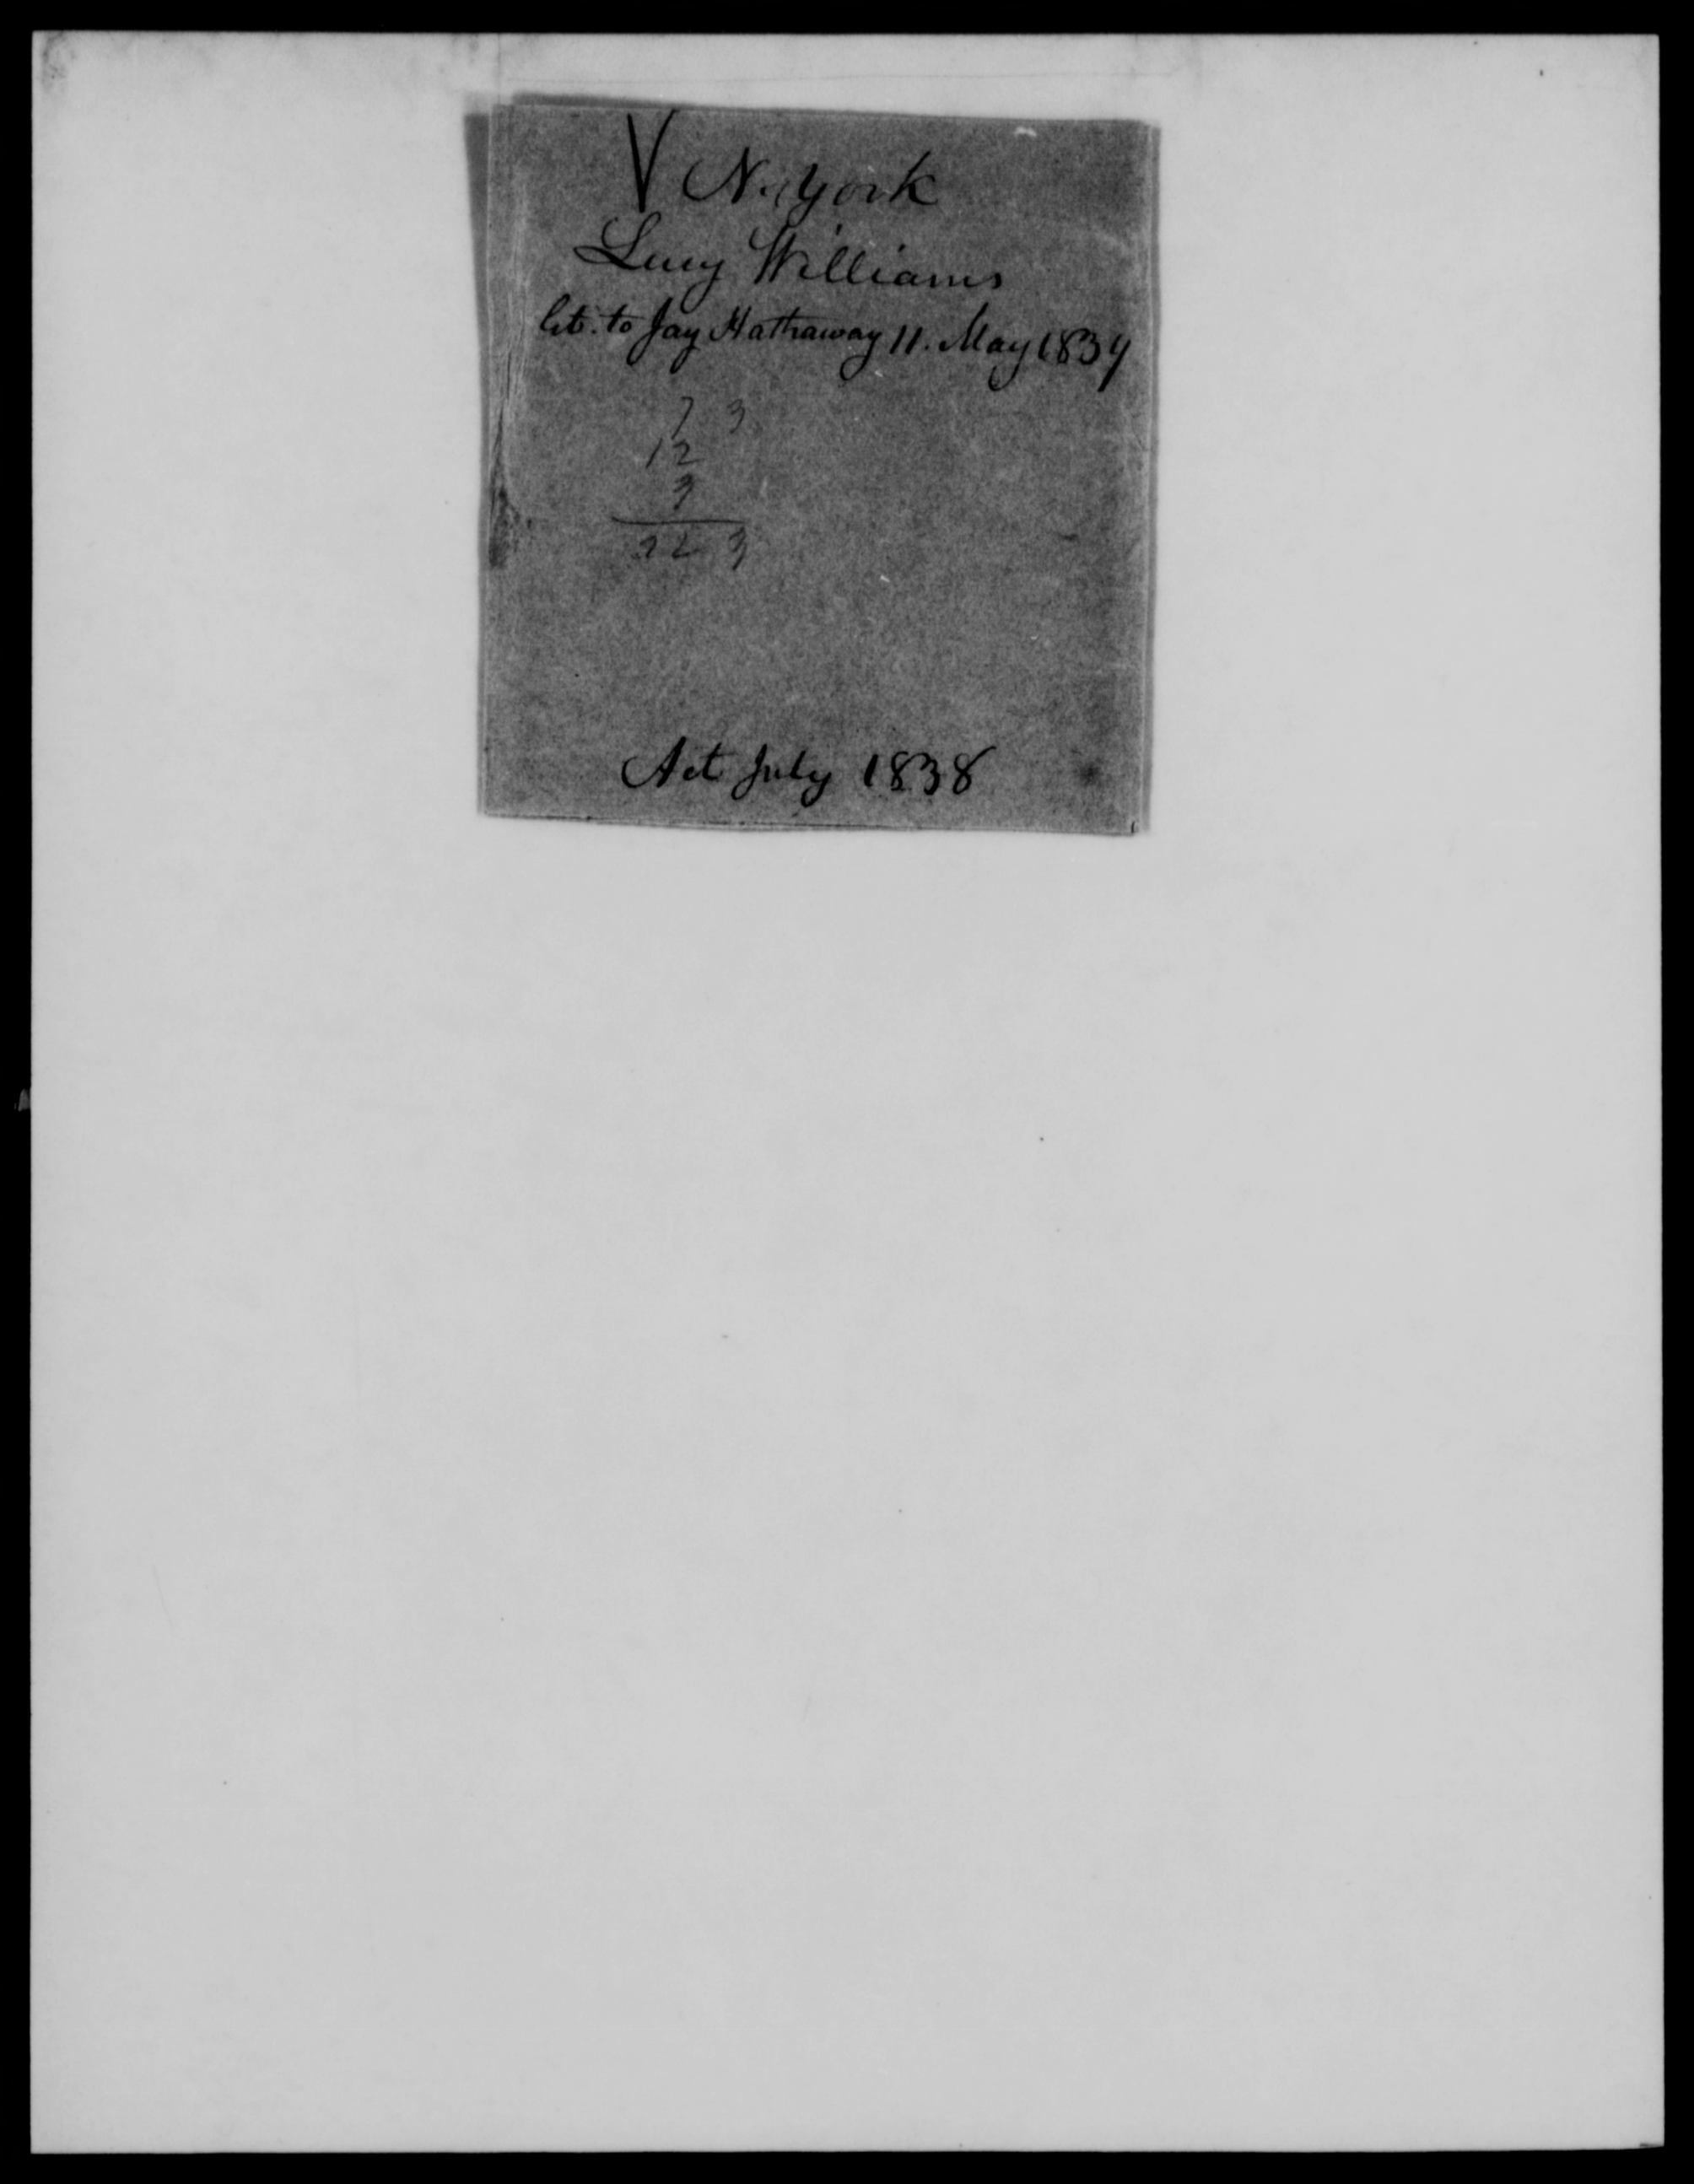V N. York
LUcy Williams
Lsts to Jay Hathaway 11 May 1834
7 3
12
3
____
22 3

Act July 1838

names: Jay Hathaway, Lucy Williams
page: 41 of 63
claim: widow's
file: W. 22,632, David Williams, Conn. Continental Privateer